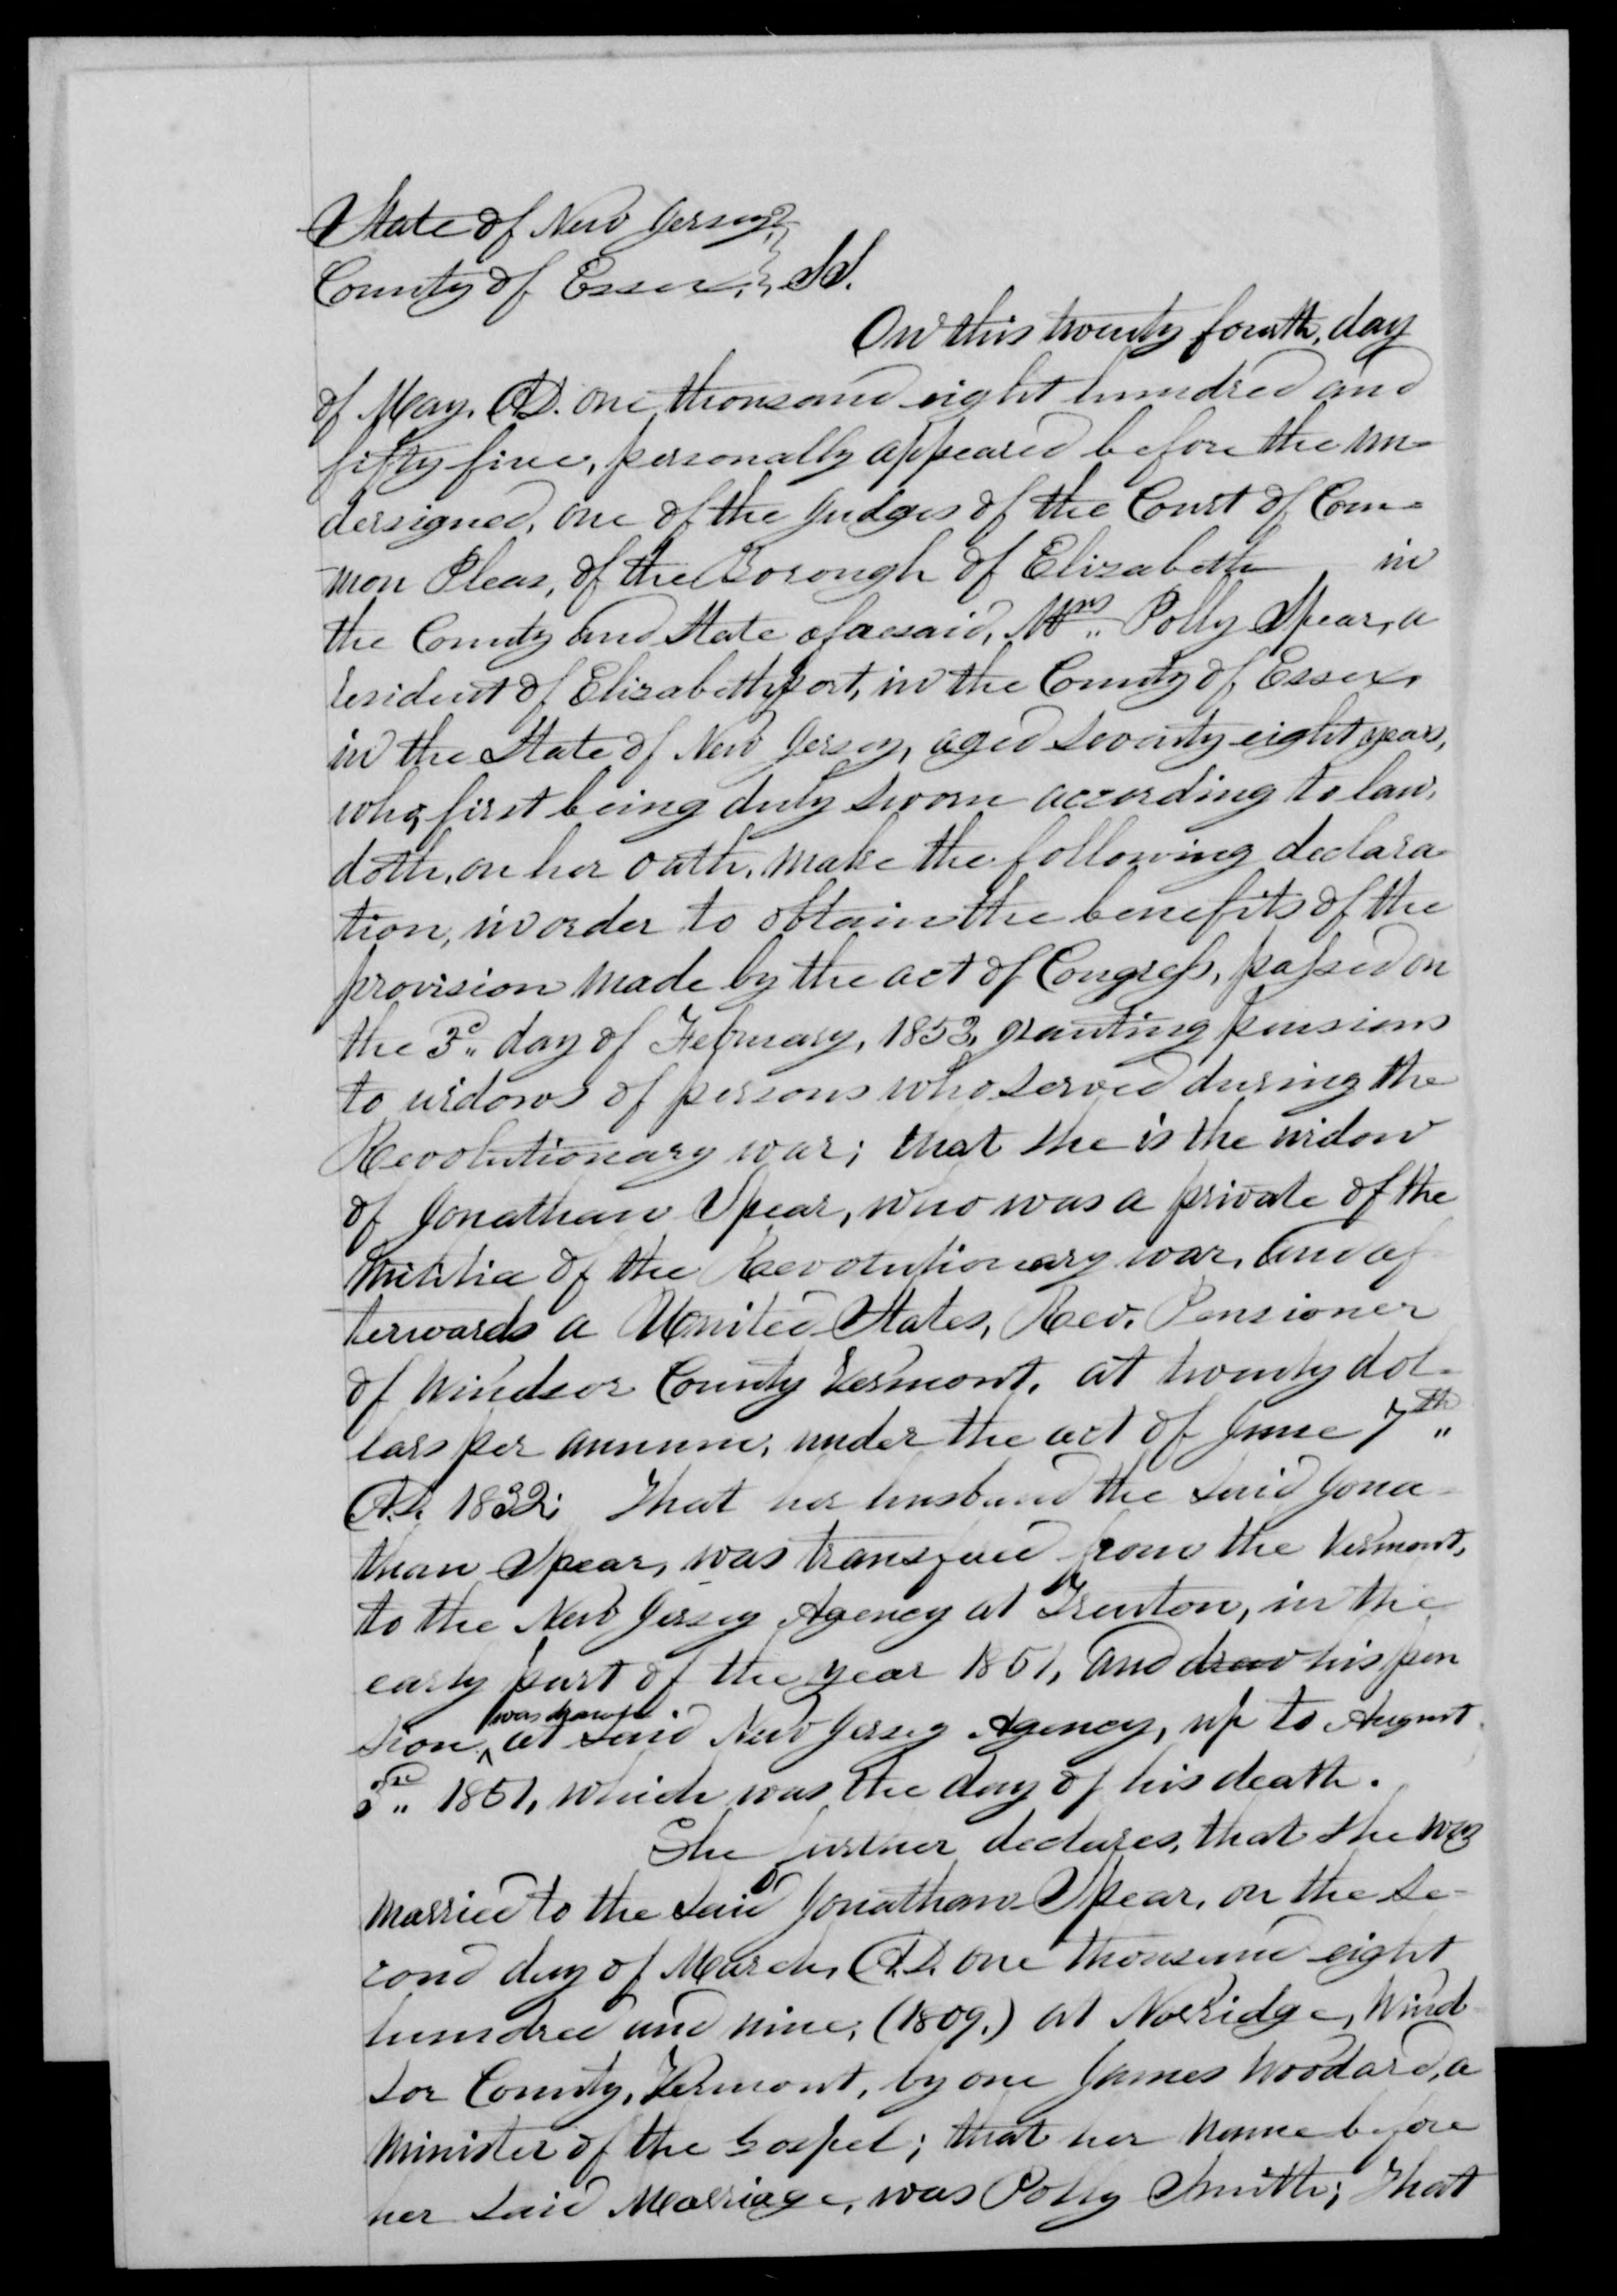State of New Jersey
County of Essex} SS.
 On this twenty fourth day of May, AD. one thousand eight hundred and fifty five, personally appeared before the undersigned, one of the Judges of the Court of Common Pleas, of the Borough of Elizabeth in the County and State aforesaid, Mrs. Polly Spear, a resident of Elizabethport, in the County of Essex, in the State of New Jersey, aged Seventy eight years, who, first being duly sworn according to law, doth, on her oath, make the following declaration, in order to obtain the benefits of the provision made by the act of Congress, passed on the 3d day of February, 1853, granting pensions to widows of persons who served during the Revolutionary war; that she is the widow of Jonathan Spear, who was a private of the Militia of the Revolutionary war, and afterwards a United States, Rev. Pensioner of Windsor County Vermont, at twenty dollars per annum, under the act of June 7th A.D. 1832; That her husband the said Jonathan Spear, was transfered from the Vermont, to the New Jersey Agency at Trenton, in the early part of the year 1851, and ['drew' crossed out] his pension was drawn at said New Jersey Agency, up to August 3rd 1851, which was the day of his death. 
She further declares, that she was married to the said Jonathan Spear, on the second day of March A.D. one thousand eight hundred and nine,(1809.) at Norridge(Norwich), Windsor County, Vermont, by one James Woodard, a Minister of the Gospel; that her name before her said Marriage was Polly Smith; That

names: Jonathan Spear; Polly Smith; Polly Spear; Jonathan Spear; James Woodard; Jonathan Spear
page: 17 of 65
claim: widow's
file: W. 7197, for Jonathan Spear, Vermont